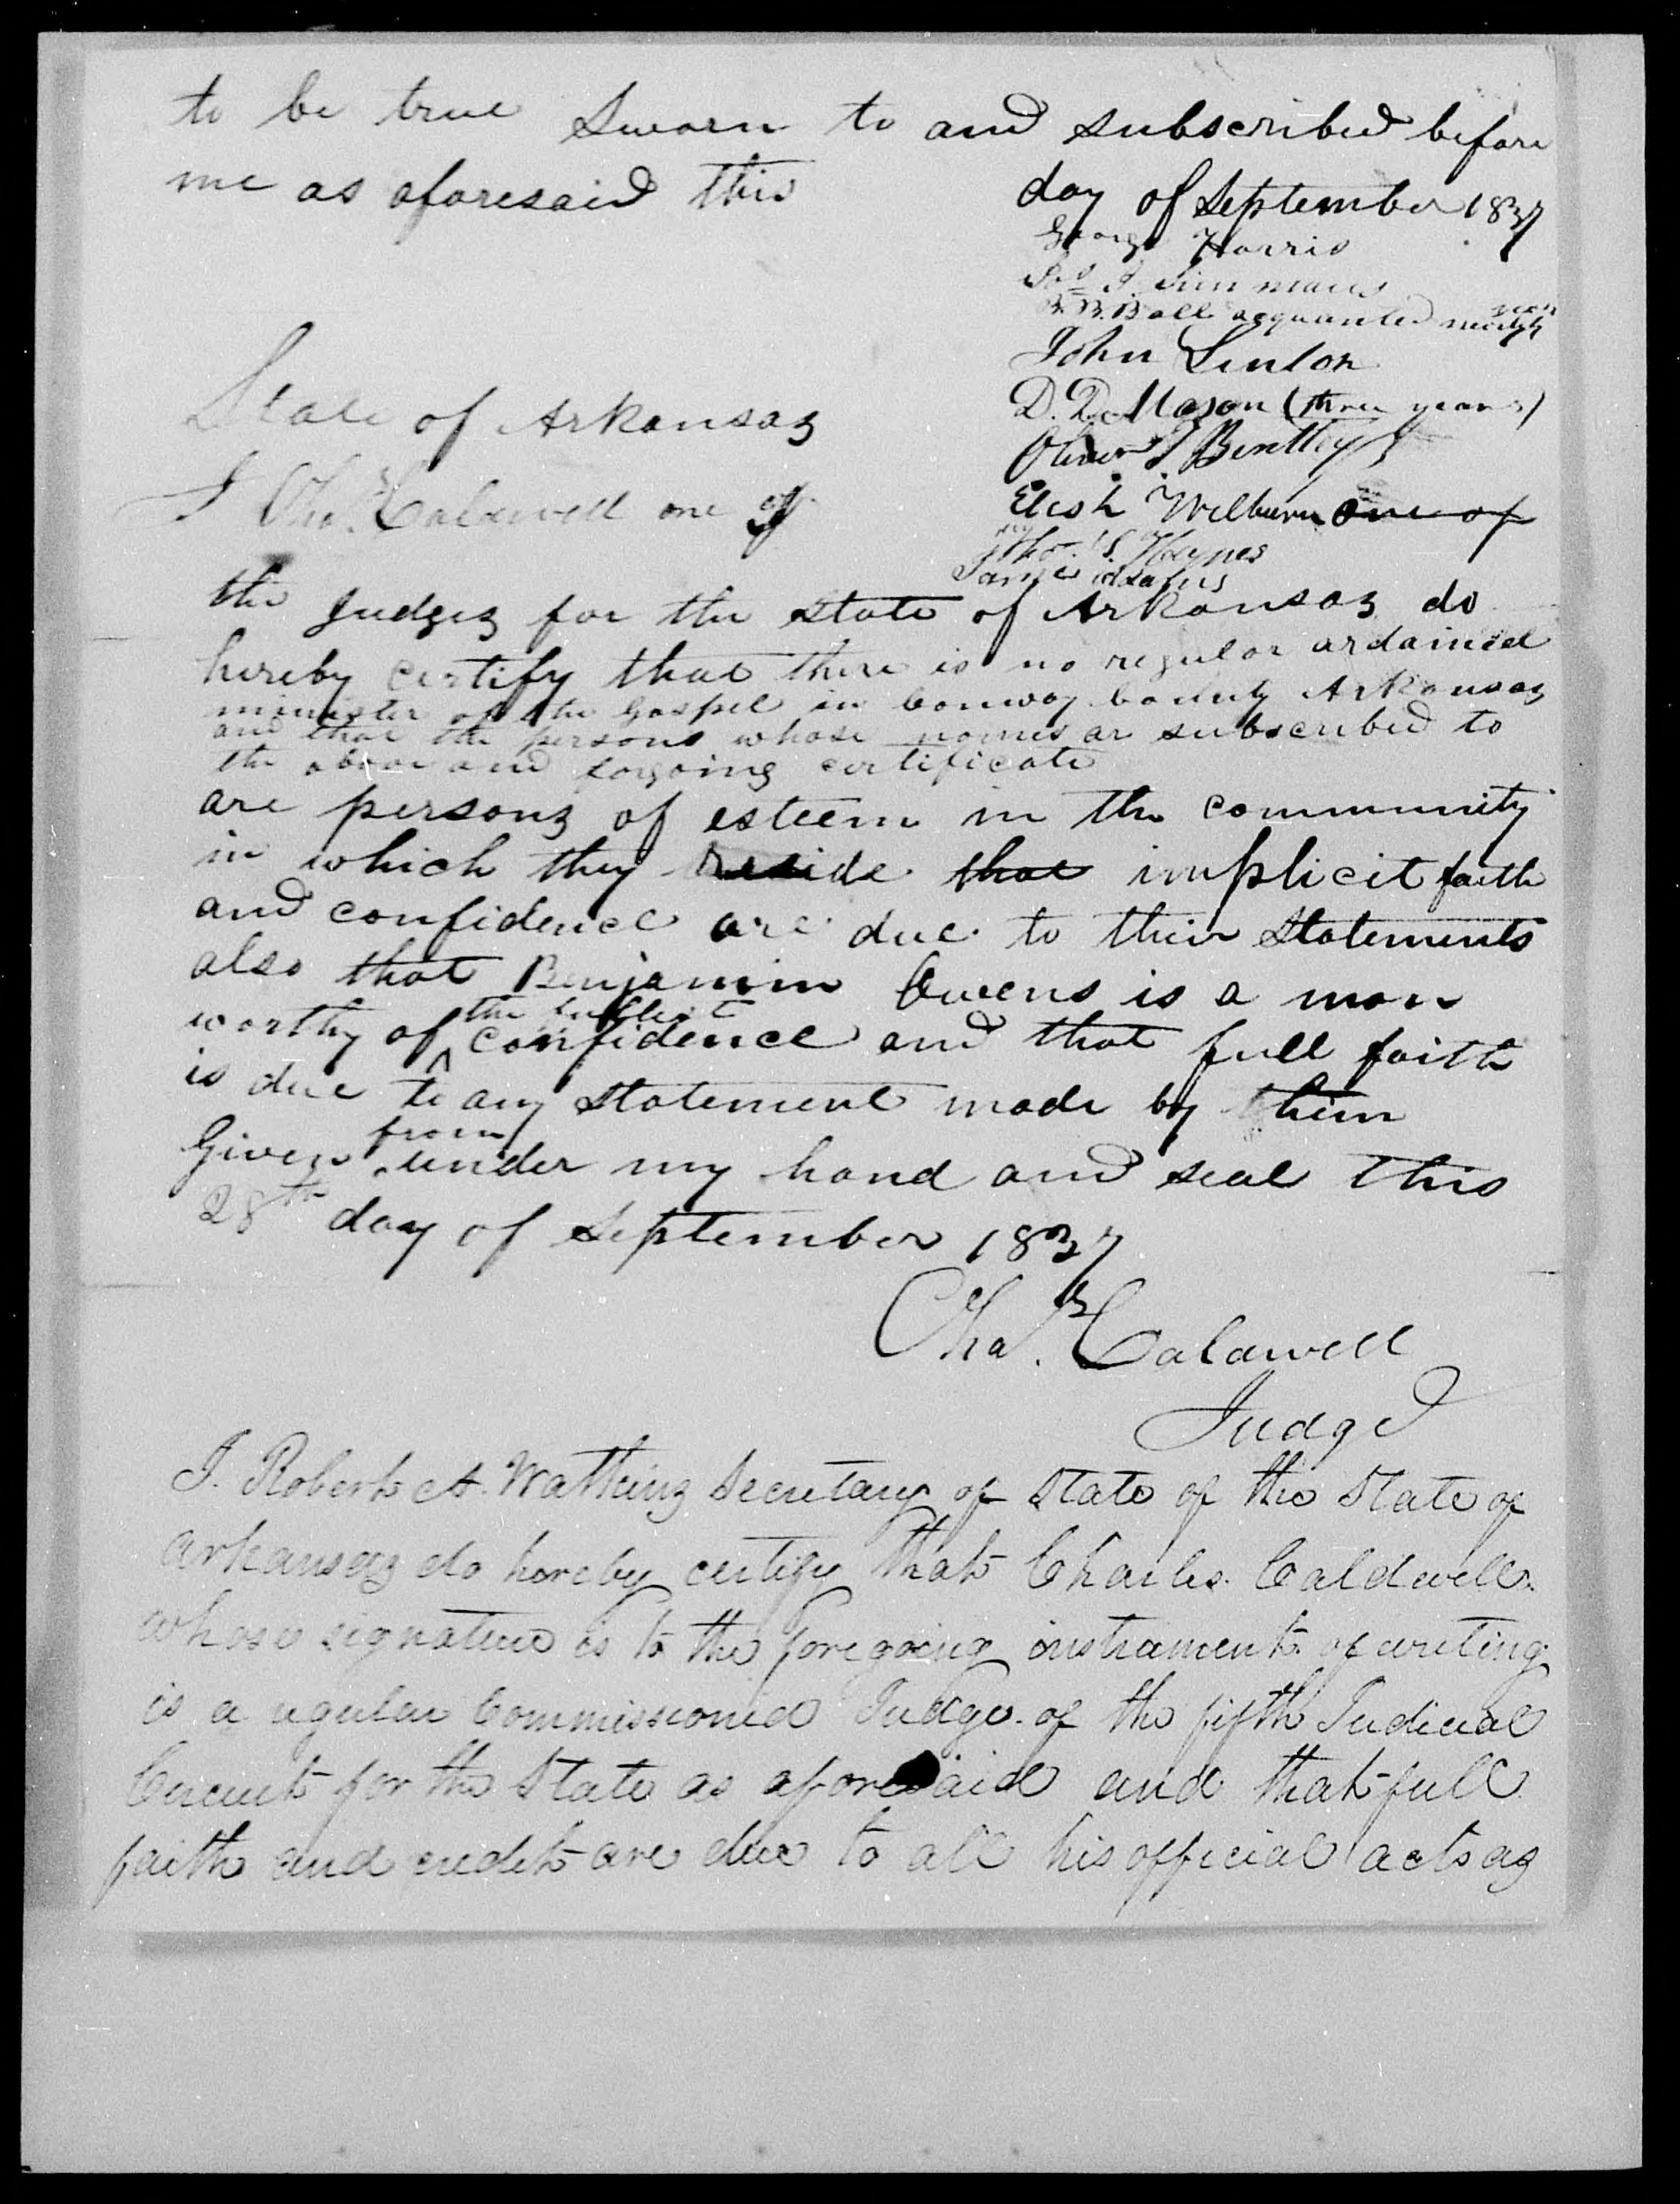to be true Sworn to and subscribed beforeme as aforesaid this [blank space] day of September 1837
George Harris
Jos J Simmons
B. B. Ball acquanted [illegible]
John Linton
State of Arkansas  D. J. Mason (three years)
Oliver Bentley
S Tho. Caldwell one of  Elish Wilburn one of 
J Thos. G. Haynes
Saml Adams
the Judges for the State of Arkansas do hereby certify that there is no regular ordained minister of the Gospel in Conway County Arkansas, and that the persons whose names as subscribed to the above and forgoing certificate are persons of esteem in the community in which they reside that implicit faith and confidence are due to their statements also that Benjamin Owens is a man worthy of confidence and that full faith is due to any statement made by them 
Given under my hand and seal this 28th
day of September 1837
Bel
Thas Caldwell
Judge
I Robert A. Watkins Secretary of State of the State of Arkansas do hereby certify that Charles Caldwell whose signature is to the foregoing instrument of writing is a regular commissioned Judge of the fifth Judicial Circuit for the State as aforesaid and that full faith and credit are due to all his official acts as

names: Thos S Haynes; John Linton; D D Mason; Elish Welburn; George Harris; Thos Caldwell; Oliver T Bentley; Jos J Simmons; Robert A Watkins; James Adams; B B Ball; Benjamin Owens; Charles Caldwell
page: 19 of 28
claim: rejected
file: R. 7846, for Benjamin Owens, South Carolina